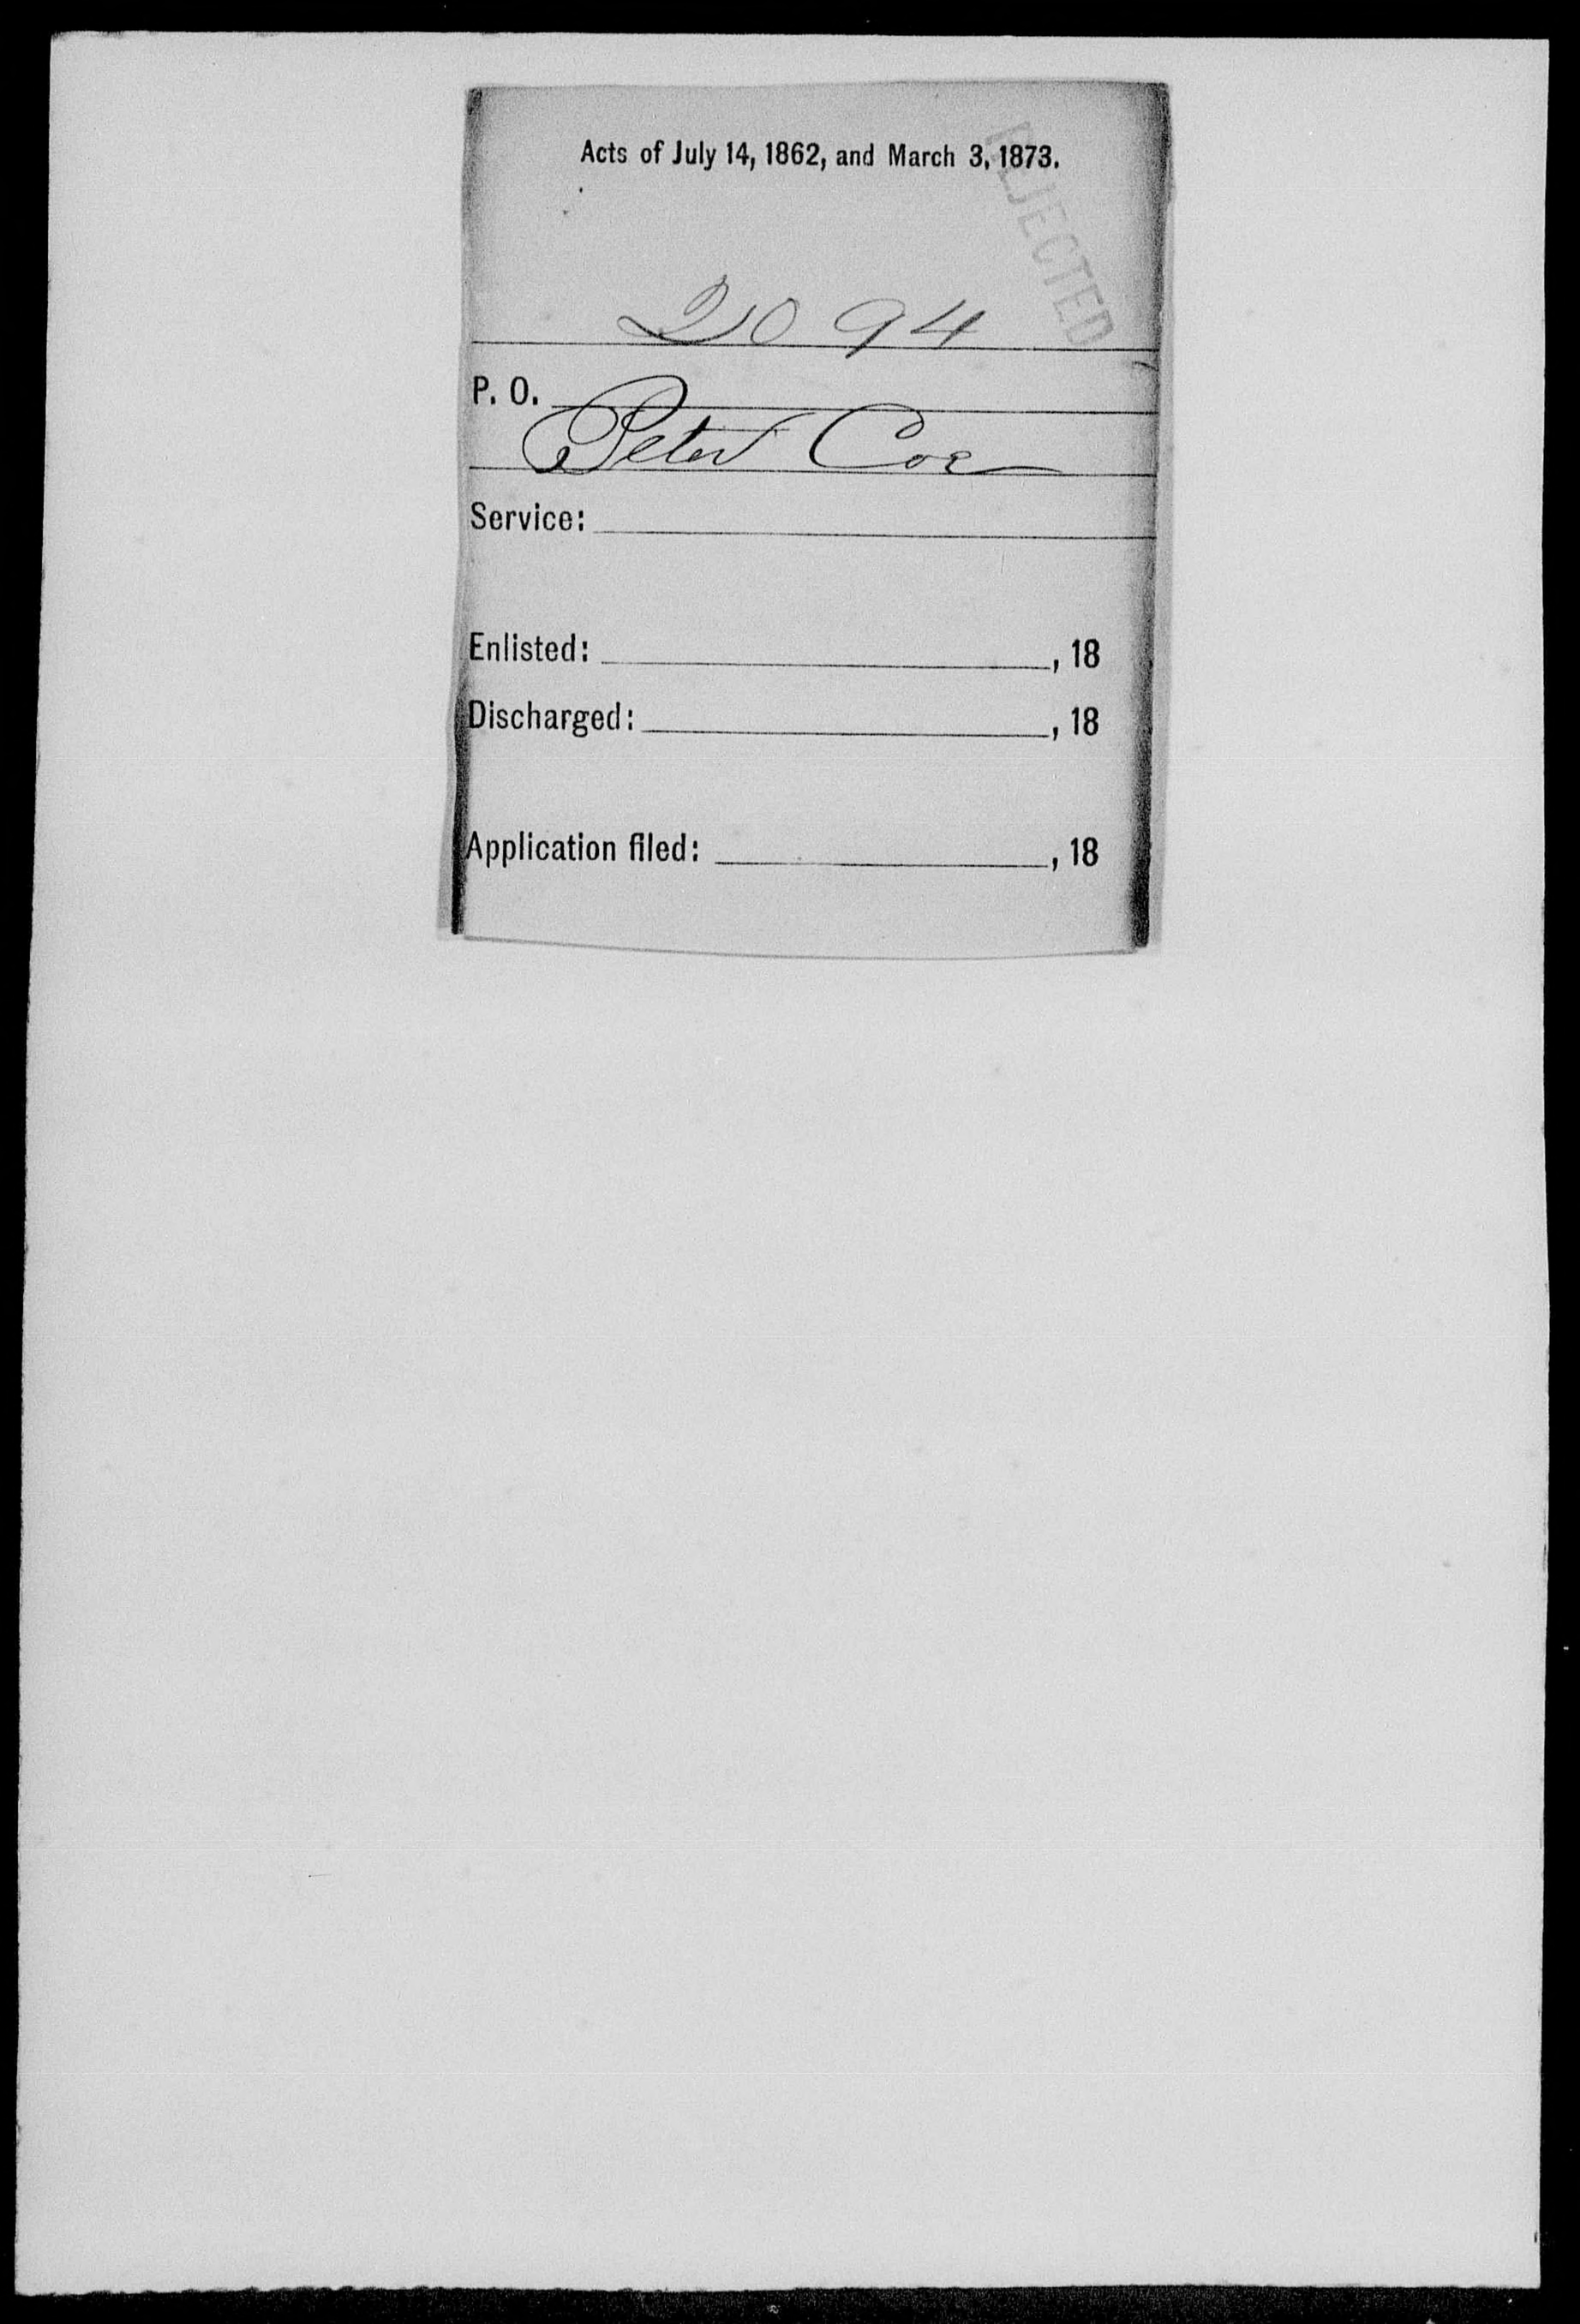Acts of July 14, 1862, and March 3, 1873.
2094
P.O. Peter Coe
Service:
Enlisted:____,18
Discharged:____,18
Application filed:____,18
[stamp]REJECTED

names: Peter Coe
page: 9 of 23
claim: survivor's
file: S. 3167, Peter Coe, New Jersey Penn.